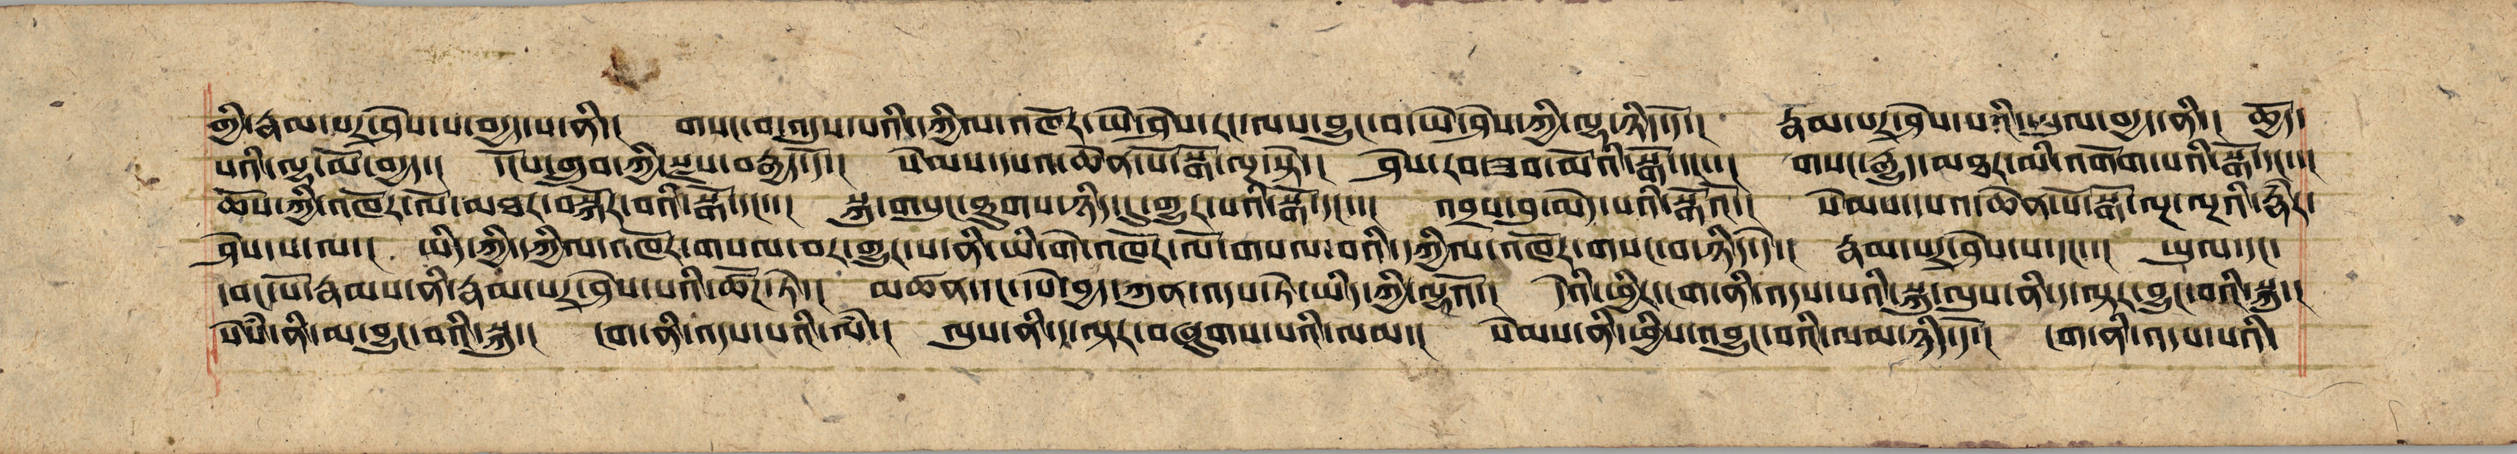གྱི་རྣམ་པར་ཤེས་པ་བདྱད་པ་ནི་། གསང་བ་འདུས་པའི་དཀྱིལ་འཁོར་ཡེ་ཤེས་རང་ལས་བྱུང་བ་ཡེ་ཤེས་ཀྱི་ལྷ་ཉིད་དོ་། རྣམ་པར་ཤེས་པའི་ཡུལ་བདྱད་ནི་། ཆྱོད་
པའི་ལྷ་མོ་བདྱད་། དངོས་གྲུབ་ཀྱི་སྫས་བརྒྱད་དོ་། སེམས་དཔའ་ཆེན་པོ་སྒོ་ལྔ་སྟེ་། ཤེས་རབ་ཟབ་མོའི་སྒོ་དང་་། གསང་རྒྱུད་མཐར་མི་འགོག་པའི་སྒོ་དང་་།
ཆོས་ཀྱི་འཁོར་ལོ་མཐར་བསྐོར་བའི་སྒོ་དང་་། སྐུ་གསུང་ཐུགས་ཉིད་དུ་གྱུར་པའི་སྒོ་དང་་། འབྲས་བུ་མེད་པའི་སྒོའོ་། སེམས་དཔའ་ཆེན་པོ་སྒོ་ལྔ་ལྔའི་རྣཾར་
ཤེས་པ་ལ་། ཡིད་ཀྱི་དཀྱིལ་འཁོར་གསལ་བར་གྱུར་པ་ནི་ཡི་གེ་འཁོར་ལོ་གསལ་བའི་དཀྱིལ་འཁོར་གསང་བ་ཉིད་དེ་། རྣམ་པར་ཤེས་པ་དང་་། ཡུལ་དང་
དབང་པོ་རྣམས་ནི་རྣམ་པར་ཤེས་པའི་ཚོཌ་ཏེ་། མཚན་དང་དཔེ་བྱད་ཀུན་འདས་ཏེ་ཡིད་ཀྱི་ལྷའོ་། དེའི་ཕྱིར་ངག་ནི་འདས་པའི་སྐུ་ལུས་ནི་ད་ལྟར་བྱུང་བའི་སྐུ་།
སེཾས་ནི་མ་བྱུང་བའི་སྐུ་། དག་ནི་འདས་པའི་ལཾ་། ལུས་ནི་ད་ལྟར་བཞུགས་པའི་ལམ་། སེམས་ནི་ཕྱིས་འབྱུང་བའི་ལམ་ཉིད་དོ་། ངག་ནི་འདས་པའི་